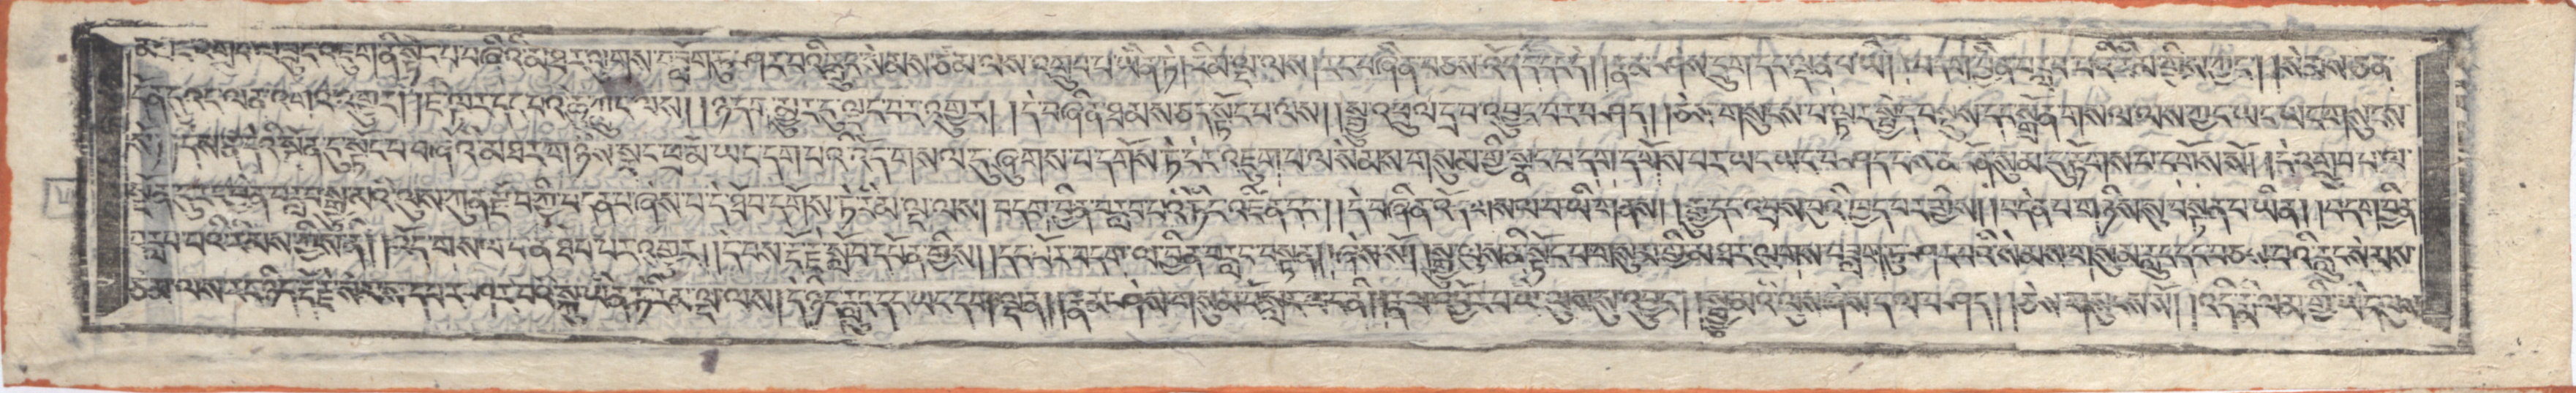མཐོང་འགྲུབ་ལ་ཟུང་འཇུག་ནི་སྟོང་པ་བཞིའི་མཐར་ལུགས་བཟློག་ཏུ་ཤར་བའི་རླུང་སེམས་ཙམ་ལས་འགྲུབ་པ་ཡིན་ཏེ། རིམ་ལྔ་ལས། རང་བཞིན་བཅས་འོད་དེ་དང་དེ། །རྣམ་ཤེས་དྲུག་དང་ལྡན་པ་ཡི། །བདག་བྱིན་བརླབ་པའི་རིམ་གྱིས་ཀྱང་། །སེམས་ཅན་
དོན་དུའང་ལན་འགའ་འགྱུར། །ཇི་ལྟར་དང་བའི་ཆུ་ཀླུང་ལས། །ཉ་དག་མྱུར་དུ་ལྡང་བར་འགྱུར། །དེ་བཞིན་ཐམས་ཅད་སྟོང་པ་ལས། །སྒྱུ་འཕྲུལ་དྲ་བ་འབྱུང་བར་བཤད། །ཅེས་གསུངས་པ་ལྟར་སྤྱོད་བསྡུས་དང་སྒྲོན་གསལ་ལས་ཀྱང་ཡང་ཡང་གསུངས་
སོ། །དེས་ན་དེའི་སྔོན་དུ་སྟོང་པ་བཞིའི་མཐར་གཉིས་སྣང་ཕྲ་མོ་ཡང་དག་པའི་འོད་གསལ་དུ་ཞུགས་པ་དགོས་ཏེ་དེར་འཇུག་པ་ལ་སེམས་གསུམ་གྱི་སྣང་བ་དག་དགོས་པར་ཡང་ཡང་བཤད་པས་མངོན་སུམ་དུ་རྟོགས་པ་དགོས་སོ། །དེ་འགྲུབ་པ་ལ་
སྔུན་དུ་རང་བྱིན་བརླབ་སྒྱུ་མའི་ལུས་ཀུན་རྫོབ་ཀྱི་བདེན་པ་ཞེས་པ་དེ་ཐོབ་དགོས་ཏེ་རིམ་ལྔ་ལས། བདག་བྱིན་བརླབ་པའི་ཏིང་འཛིན་དང་། །དེ་བཞིན་འོད་གསལ་བ་ཡི་གནས། །རྒྱུ་དང་འབྲས་བུའི་ཁྱད་པར་གྱིས། །བདེན་པ་གཉིས་སུ་བསྟན་པ་ཡིན། །བདག་བྱིན་
བརླབ་པའི་རིམས་ཀྱིས་ནི། །འོད་གསལ་བ་ནི་ཐོབ་པར་འགྱུར། །དེ་བས་རྡོ་རྗེ་སློབ་དཔོང་ཡིས། །དང་པོར་བདག་ལ་བྱིན་བརླབ་བསྟན། །ཞེས་སོ། །སྒྱུ་ལུས་ནི་སྟོང་པ་གསུམ་གྱི་མཐར་ལུགས་བཟླག་ཏུ་ཤར་བའི་སེམས་གསུམ་རླུང་དང་བཅས་པའི་རླུང་སེམས་
ཙམ་ལས་རང་ཉིད་རྡོ་རྗེ་སེམས་དཔར་ཤར་བའི་སྐུ་ཡིན་ཏེ་རིམ་ལྔ་ལས། དེ་ཉིད་རླུང་དང་ཡང་དག་ལྡན། །རྣམ་ཤེས་གསུམ་པོ་སླར་ཡང་ནི། །རྣལ་འབྱོར་པ་ཡི་ལུས་སུ་འབྱུང་། །སྒྱུ་མའི་ལུས་ཞེས་དེ་ལ་བཤད། །ཅེས་གསུངས་སོ། །འདི་རྨི་ལམ་གྱི་ཡིད་ལུས་